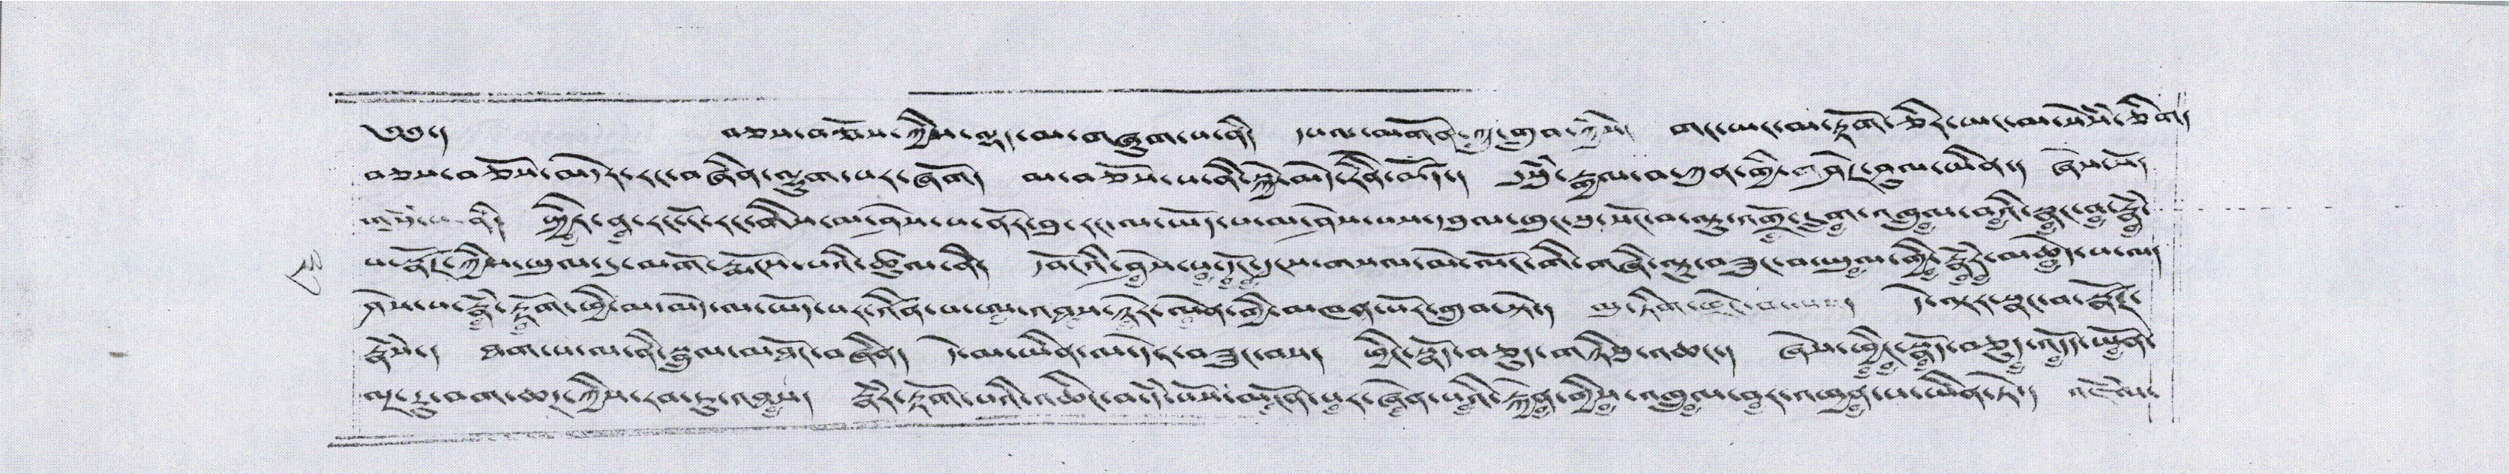བཅས་བཅོས་ཀྱིས་ལྷད་མ་གཞུག་པ་ནི། དཔལ་མགོན་ཀླུ་སྒྲུབ་ཀྱིས། གང་ཡང་མ་རྟོག་ཅིར་ཡང་མ་སེམས་ཅིག 
བཅས་བཅོས་མེད་པར་རང་བཞིན་ལྷུག་པར་ཞོག མ་བཅོས་པ་ནི་སྐྱེ་མེད་རིན་ཆེན་མཛོད། དུས་གསུམ་རྒྱལ་བ་ཀུན་གྱི་གཤེགས་ཤུལ་ཡིན། ཞེས་སོ། 
གསུམ་པ་ནི། སྤྱིར་ན་རང་ངོ་རང་གིས་མ་ཤེས་པས་དབུལ་ཕོངས་སུ་སོང་བ་ལྟ་བུ་འགྲོ་དྲུག་འཁྲུལ་པའི་སྣང་བ་རྣམ་
པ་སྣ་ཚོགས་ཀྱིས་ཡུལ་དུ་མགོ་རྨོངས་པའི་ཚུལ་ནི། དབང་པོའི་ཤེས་པ་དང་པོ་དྭངས་གསལ་མེ་ལོང་གི་གཞི་ལྟ་བུ་གཟུང་བ་ཡུལ་གྱི་རྣམ་པར་མཆེད་པ་ལ། 
ཤེས་པ་རྣམ་རྟོག་ཕྱི་མ་མེད་ལ་ཡོད་པར་འཛིན་པ་ཨ་འཐས་ཉེར་ལེན་གྱི་མཁན་པོར་གྲུབ་སྟེ། མུ་ཏིག་ཕྲེང་བ་ལས། དེ་ལྟར་སྣང་བ་སྣ་ཚོགས་
རྣམས། ཐག་པ་ལ་ནི་སྦྲུལ་མཐོང་བཞིན། དེ་མ་ཡིན་ལ་དེར་བཟུང་བས། ཕྱི་ནང་སྣོད་བཅུད་གཉིས་སུ་འཆང་། ཞེས་ཕྱི་ནང་སྣོད་བཅུད་འདོད་ཡོན་
ལྔ་རུ་བག་ཆགས་ཀྱིས་རབ་ཏུ་འཐས། རྣམ་པར་རྟོག་པའི་འཆིང་བ་དམ་པོས་མངོན་པར་ཞེན་པའི་རྐྱེན་གྱིས་འཁྲུལ་པར་འཕྱན་པ་ཡིན་ཏེ། འཇམ་